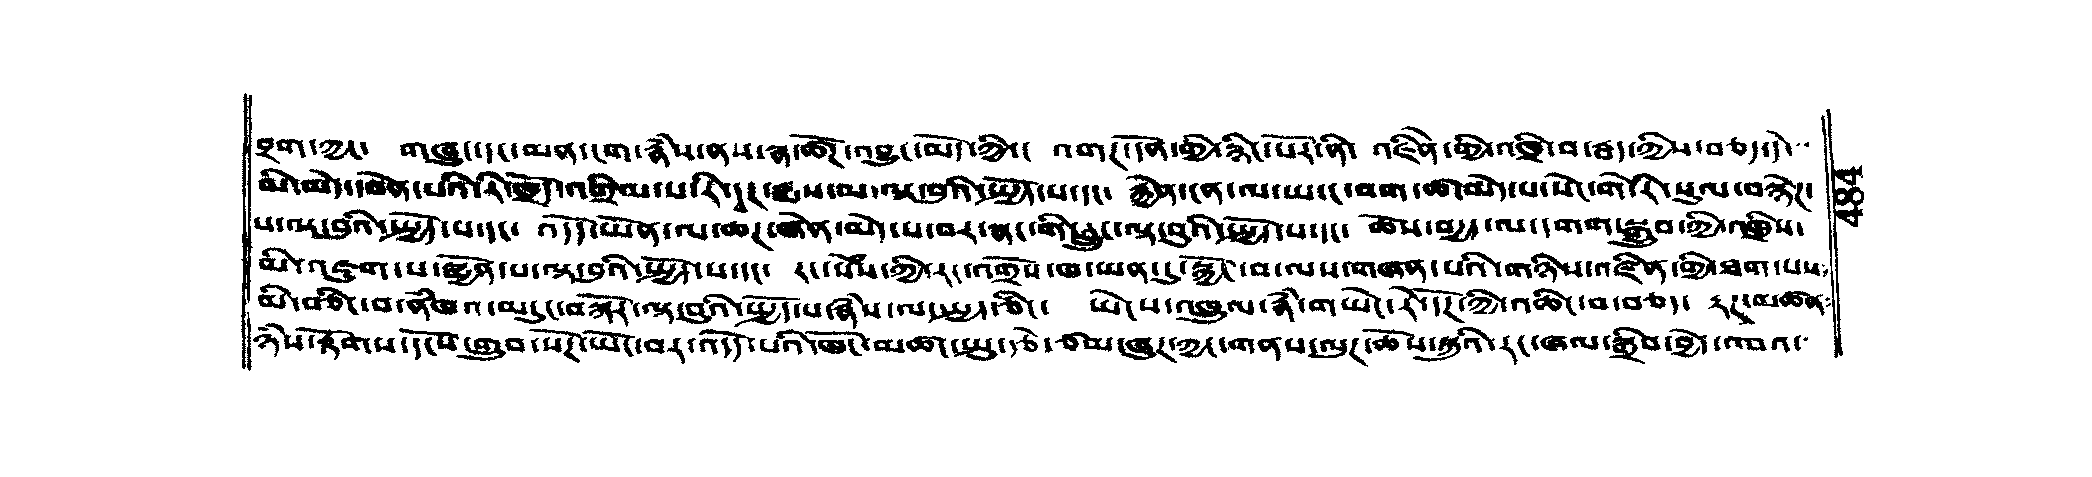བྲག་ཀྱང་། གཞུང་དང་མན་ངག་རྣམས་ནས་སྣ་ཚོགས་འབྱུང་མོད་ཀྱི། འགག་དོན་གྱི་སྙིང་པོར་ནི། འཇིག་རྟེན་གྱི་འཁྲི་བ་རྦད་ཀྱིས་བཅད་དེ་
མི་མེད་དབེན་པའི་རི་ཁྲོད་འགྲིམ་པ་རི་དྭགས་རྨས་མ་ལྟ་བུའི་སྤྱོད་པ་དང་། རྐྱེན་ངན་ལ་ཡ་ང་བག་ཚ་མེད་པ་སེངྒེ་རི་སུལ་བསྙེགས་
པ་ལྟ་བུའི་སྤྱོད་པ་དང་། འདོད་ཡོན་ལ་ཆགས་ཞེན་མེད་པ་བར་སྣང་གི་རླུང་ལྟ་བུའི་སྤྱོད་པ་དང་། ཆོས་བརྒྱད་ལ་དགག་སྒྲུབ་ཀྱི་འཁྲིས་
མི་འཇུག་པ་སྨྱོན་པ་ལྟ་བུའི་སྤྱོད་པ་དང་། རང་སེམས་ཀྱི་རང་འགྲོས་ཁ་ཡན་དུ་སྐྱོང་བ་ལས་གཞན་པའི་གཉིས་འཛིན་གྱི་ཐག་པས་
མི་བཅིང་བ་ནམ་མཁའ་མདུང་བསྐོར་ལྟ་བུའི་སྤྱོད་པ་རྣམས་ལ་སྤྱད་ཅིང་། ཡེངས་འཁྲུལ་རྣམ་གཡེང་རེ་དོགས་ཀྱི་འཆིང་བ་བཅད། རྟགས་མཚན་
ཉམས་རྟོགས་དངོས་གྲུབ་སོགས་ཡོང་བར་འདོད་པའི་ཁོང་མཚང་སྤུ་རྩེ་ཙམ་ཞུགས་ཀྱང་གནས་ལུགས་ཆོས་སྐུའི་རང་ཞལ་སྒྲིབ་བྱེད་འབའ་